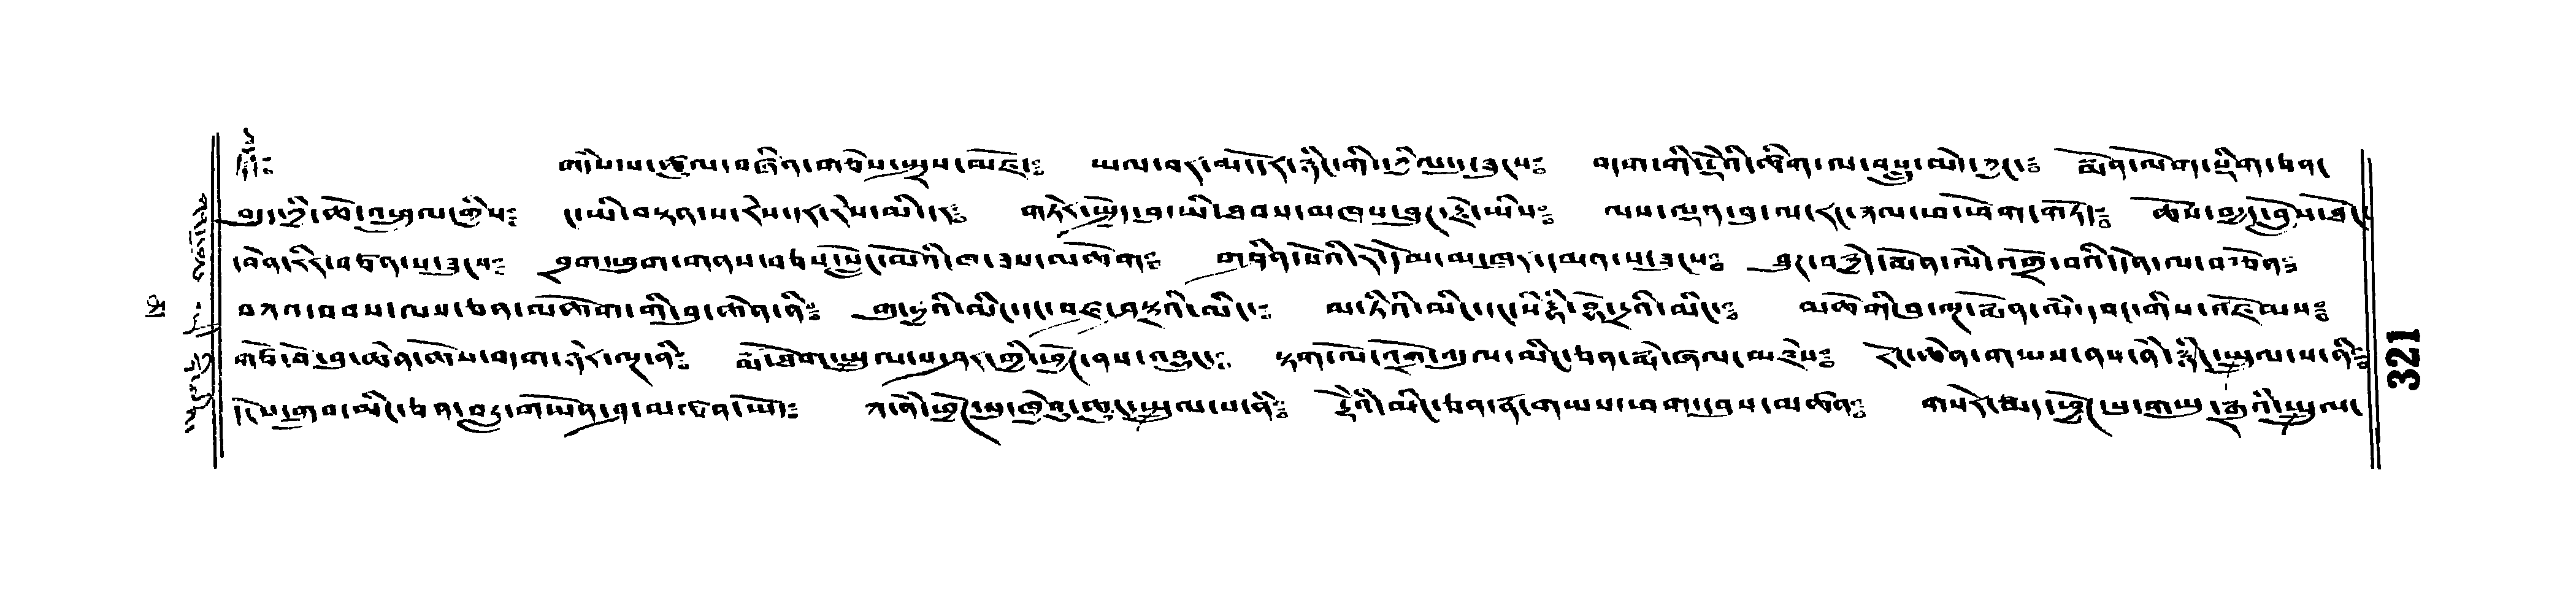གདམས་པ་ཚུལ་བཞིན་གཅེས་སྤྲས་མཛོད༔ ཡལ་བར་མ་དོར་སྙིང་གི་དཀྱིལ་དུ་ཟུངས༔ བདག་གི་རྡོ་རྗེའི་ཚིག་ལ་བསླུ་མེད་ཀྱང༔ སྨོན་ལོག་སྡིག་ཅན་
བདུད་ཀྱི་ཆོ་འཕྲུལ་གྱིས༔ ང་ཡི་བསྟན་པ་རེས་དར་རེས་མི་དར༔ གཏེར་སྤྱོད་བུ་ཡི་ཐབས་མཁས་ཐུགས་རྗེ་ཡིས༔ ལས་ལྡན་བུ་ལ་རང་སྐལ་ཕ་ཕོགས་གཏོད༔ ཆོས་བརྒྱད་བློས་ཐོངས་
དབེན་རིར་བཙན་ས་ཟུངས༔ བྲག་ཕུག་གནས་བཅས་སློང་མོའི་ཁ་ཟས་མཆོག༔ གཤིན་པོའི་རོ་དོམ་མ་ཁུར་དམན་ས་ཟུངས༔ ཐུགས་བསྐྱེད་སྨོན་ལམ་འགྲོ་བའི་དོན་ལ་བརྩོན༔ 
བཀའ་བབས་ལས་ཅན་མཆོག་གི་བུ་ཆེན་ནི༔ གུ་ཧྱའི་མིང་དང་བཛྲ་ཤསྟྲའི་མིང༔ མ་ཏིའི་མིང་དང་སིདྡྷི་བྷོ་དྷིའི་མིང༔ མཆོག་གི་བུ་ལྔ་སྨོན་ལམ་དབང་གིས་འཛོམས༔ 
གཙོ་བོ་བུ་ཆེན་ཆོས་བདག་ཉེར་ལྔ་ནི༔ རྨ་ཐོག་སྤྲུལ་པ་ཤར་གྱི་ཕྱོགས་ནས་འབྱུང༔སྟག་ལོ་འགྲོ་འདུལ་མིང་ཅན་སྨེ་ཞལ་མཛེས༔ རོང་ཆེན་གཡས་ནས་ནམ་སྙིང་སྤྲུལ་པ་ནི༔ 
དངོས་གྲུབ་མིང་ཅན་བརླ་གཡོན་ཤ་མཚན་ཡོད༔ ཀ་ནམ་ཕྱོགས་སུ་ཁྱེའུ་ཆུང་སྤྲུལ་པ་ནི༔ རྡོ་རྗེའི་མིང་ཅན་རྣ་གཡས་ཕག་དབུས་མཚན༔ གསེར་སྨད་ཕྱོགས་སུ་གཡུ་སྒྲའི་སྤྲུལ་